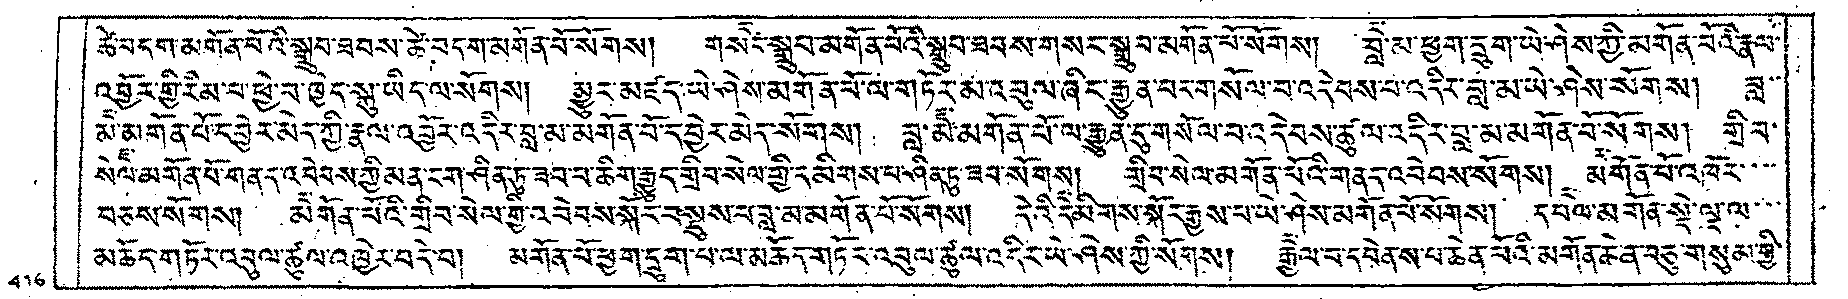ཚེ་བདག་མགོན་པོའི་སྒྲུབ་ཐབས་ཚེ་བདག་མགོན་པོ་སོགས། གསང་སྒྲུབ་མགོན་པོའི་སྒྲུབ་ཐབས་གསང་སྒྲུབ་མགོན་པོ་སོགས། བླ་མ་ཕྱག་དྲུག་ཡེ་ཤེས་ཀྱི་མགོན་པོའི་རྣལ་
འབྱོར་གྱི་རིམ་པ་ཕྱི་བ་ཁྱེད་སྐུ་ཡིད་ལ་སོགས། མྱུར་མཛད་ཡེ་ཤེས་མགོན་པོ་ལ་གཏོར་མ་འབུལ་ཞིན་རྒྱུན་བར་གསོལ་བ་འདེབས་པའི་འདིར་བླ་མ་ཡེ་ཤེས་སོགས། བླ་
མ་ཇ་མགོན་པོ་དབྱེར་མེད་ཀྱི་རྣལ་འབྱོར་འདིར་བླ་མ་མགོན་པོ་དབྱེར་མེད་སོགས། བླ་མ་ཇ་མགོན་པོ་ལ་རྒྱུན་དུ་གསོལ་བ་འདེབས་ཚུལ་འདིར་བླ་མ་མགོན་པོ་སོགས། གྲིབ་
སེལ་ཇ་མགོན་པོ་གནད་འབེབས་ཀྱི་མན་ངག་ཤིན་ཏུ་ཟབ་པ་ཚིག་རྒྱུད་གྲིབ་སེལ་གྱི་དམིགས་པ་ཤིན་ཏུ་ཟབ་སོགས། གྲིབ་སེལ་མགོན་པོའི་གནད་འབེབས་སོགས། མགོན་པོ་འཁོར་
བཅས་སོགས། མགོན་པོའི་གྲིབ་སེལ་གྱི་འབེབས་སྐོར་བསྡུས་པ་བླ་མ་མགོན་པོ་སོགས། དེའི་དམིགས་སྐོར་རྒྱས་པ་ཡེ་ཤེས་མགོན་པོ་སོགས། དཔལ་མགོན་སྡེ་ལྔ་ལ་
མཆོད་གཏོར་འབུལ་ཚུལ་འཁྱེར་བདེ་བ། མགོན་པོ་ཕྱག་དྲུག་པ་ལ་མཆོད་གཏོར་འབུལ་ཚུལ་འདིར་ཡེ་ཤེས་ཀྱི་སོགས། རྒྱལ་བ་དབེན་ས་པ་ཆེན་པོའི་མགོན་ཆེན་བཅུ་གསུམ་གྱི་